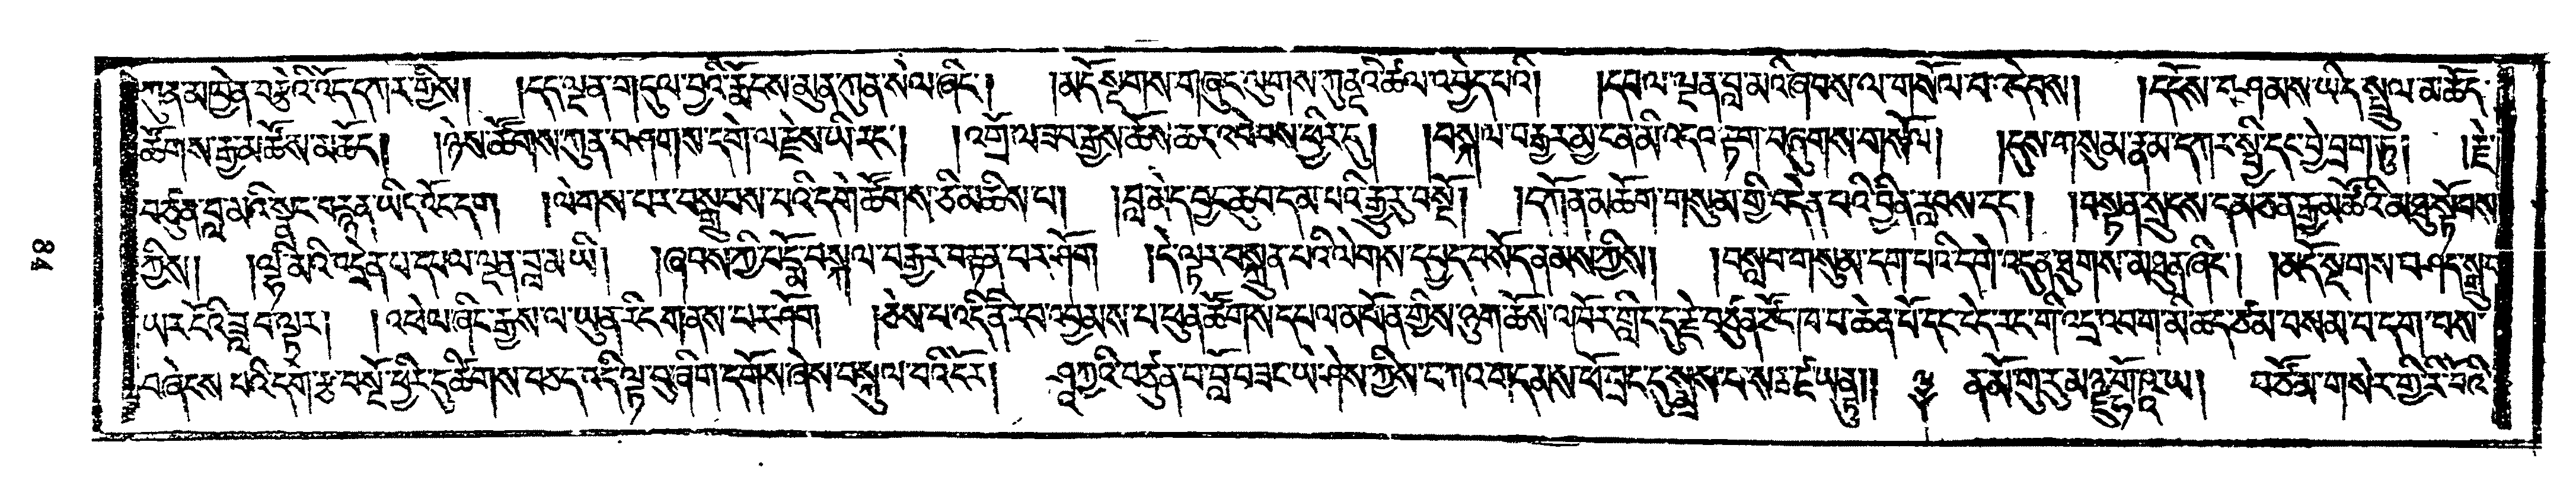ཀུན་མཁྱེན་བརྩེའི་འོད་དཀར་གྱིས། །དད་ལྡན་གདུལ་བྱའི་རྨོངས་མུན་ཀུན་སེལ་ཞིང་། །མདོ་སྔགས་གཞུང་ལུགས་ཀུནྡའི་ཚལ་འབྱེད་པའི། །དཔལ་ལྡན་བླ་མའི་ཞབས་ལ་གསོལ་བ་འདེབས། །དངོས་བཤམས་ཡིད་སྤྲུལ་མཆོད་
ཚོགས་རྒྱ་མཚོས་མཆོད། །ཉེས་ཚོགས་ཀུན་བཤགས་དགེ་ལ་རྗེས་ཡི་རང་། །འགྲོ་ལ་ཟབ་རྒྱས་ཆོས་ཆར་འབེབས་ཕྱིར་དུ། །བསྐལ་བརྒྱར་མྱ་ངན་མི་འདའ་རྟག་བཞུགས་གསོལ། །དུས་གསུམ་རྣམ་དཀར་སྤྱི་དང་བྱེ་བྲག་ཏུ། །རྗེ་
བཙུན་བླ་མའི་སྣང་བརྙན་ཡིད་འོང་དག །ལེགས་པར་བསྒྲུབས་པའི་དགེ་ཚོགས་ཅི་མཆིས་པ། །བླ་མེད་བྱང་ཆུབ་དམ་པའི་རྒྱུ་རུ་བསྔོ། །དཀོན་མཆོག་གསུམ་གྱི་བདེན་པའི་བྱིན་རླབས་དང་། །བསྟན་སྲུངས་དམ་ཅན་རྒྱ་མཚོའི་མཐུ་སྟོབས་
ཀྱིས། །ལྷ་མིའི་འདྲེན་པ་དཔལ་ལྡན་བླ་མ་ཡི། །ཞབས་ཀྱི་པདམོ་བསྐལ་བརྒྱར་བརྟན་པར་ཤོག །དེ་ལྟར་བསྐྲུན་པའི་ལེགས་དཔྱད་བསོད་ནམས་ཀྱིས། །བསླབ་གསུམ་དག་པའི་དགེ་འདུན་ཐུགས་མཐུན་ཞིང་། །མདོ་སྔགས་བཤད་སྒྲུབ་
ཡར་ངོའི་ཟླ་བ་ལྟར། །འཕེལ་ཞིང་རྒྱས་ལ་ཡུན་རིང་གནས་པར་ཤོག །ཅེས་པ་འདི་ནི་རབ་འབྱམས་པ་ཕུན་ཚོགས་དཔལ་མགོན་གྱིས་ཉུག་ཆོས་འཁོར་གླིང་དུ་རྗེ་བཙུན་ཙོང་ཁ་པ་ཆེན་པོ་དང་ངེད་རང་གི་འདྲ་འབག་མི་ཆད་ཙམ་བསམ་པ་དག་པས་
བཞེངས་པའི་དགེ་རྩ་བསྔོ་ཕྱིར་དུ་ཚིགས་བཅད་འདི་ལྟ་བུ་ཞིག་དགོས་ཞེས་བསྐུལ་བའི་ངོར། ཤཱཀྱའི་བཙུན་པ་བློ་བཟང་ཡེ་ཤེས་ཀྱིས་བཀའ་གདམས་ཕོ་བྲང་དུ་སྨྲས་པ་སརྦ་ཛ་ཡནྟུ།། ༈ ན་མོ་གུ་རུ་མཉྫུ་གྷོ་ཥཱ་ཡ། བཙོམ་གསེར་གྱི་རི་བོའི་